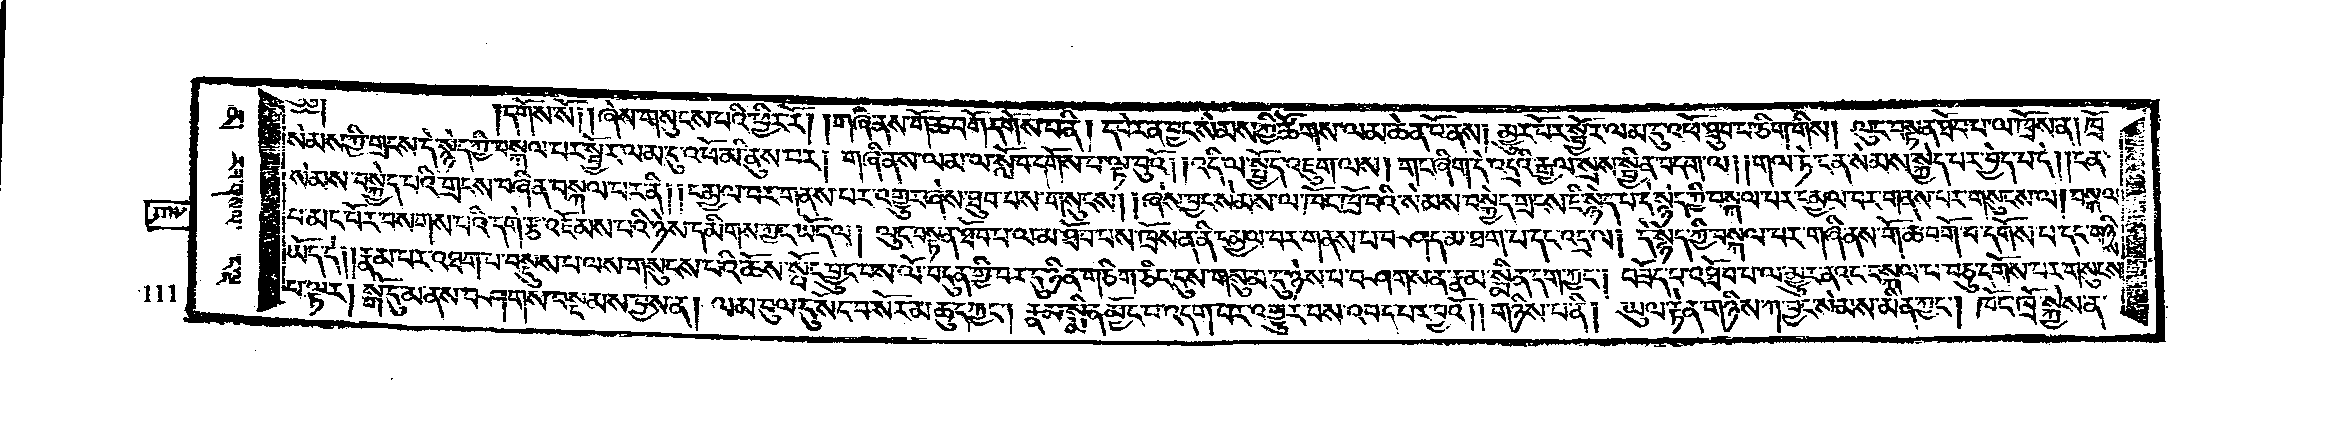༄༅། །དགོས་སོ། །ཞེས་གསུངས་པའི་ཕྱིར་རོ། །གཞི་ནས་གོ་ཆ་བགོ་དགོས་པ་ནི། དཔེར་ན་བྱང་སེམས་ཀྱི་ཚོགས་ལམ་ཆེན་པོ་ནས། མྱུར་པོར་སྦྱོར་ལམ་དུ་འཕོ་ཐུབ་པ་ཞིག་གིས། ལུང་བསྟན་ཐོབ་པ་ལ་ཁྲོས་ན། ཁྲོ་
སེམས་ཀྱི་གྲངས་དེ་སྙེད་ཀྱི་བསྐལ་པར་སྦྱོར་ལམ་དུ་འཕོ་མི་ནུས་པར། གཞི་ནས་ལམ་ལ་སློབ་དགོས་པ་ལྟ་བུའོ། །འདི་ལ་སྤྱོད་འཇུག་ལས། གང་ཞིག་དེ་འདྲའི་རྒྱལ་སྲས་སྦྱིན་བདག་ལ། །གལ་ཏེ་ངན་སེམས་སྐྱེད་པར་བྱེད་པ་དེ། །ངན་
སེམས་བསྐྱེད་པའི་གྲངས་བཞིན་བསྐལ་པར་ནི། །དམྱལ་བར་གནས་པར་འགྱུར་ཞེས་ཐུབ་པས་གསུངས། །ཞེས་བྱང་སེམས་ལ་ཁོང་ཁྲོ་བའི་སེམས་བསྐྱེད་གྲངས་ཇི་སྙེད་པ་དེ་སྙེད་ཀྱི་བསྐལ་པར་དམྱལ་བར་གནས་པར་གསུངས་ལ། བསྐལ་
པ་མང་པོར་བསགས་པའི་དགེ་རྩ་འཇོམས་པའི་ཉེས་དམིགས་ཀྱང་ཡོད་ལ། ལུང་བསྟན་ཐོབ་པ་ལ་མ་ཐོབ་པས་ཁྲོས་ན་ནི་དམྱལ་བར་གནས་པ་བཤད་མ་ཐག་པ་དང་འདྲ་ལ། དེ་སྙེད་ཀྱི་བསྐལ་པར་གཞི་ནས་གོ་ཆ་བགོ་བ་དགོས་པ་དང་གཉིས་
ཡོད་དེ། །རྣམ་པར་འཐག་པ་བསྡུས་པ་ལས་གསུངས་པའི་ཆོས་སྤོང་བྱུང་བས་ལོ་བདུན་གྱི་བར་དུ་ཉིན་གཅིག་ཅིང་དུས་གསུམ་དུ་ཉེས་པ་བཤགས་ན་རྣམ་སྨིན་དག་ཀྱང་། བཟོད་པ་འཐོབ་པ་ལ་མྱུར་ནའང་བསྐལ་པ་བཅུ་དགོས་པར་གསུངས་
པ་ལྟར། སྒོ་དུ་མ་ནས་བཤགས་བསྡམ་བྱས་ན། ལམ་བུལ་དུ་སོང་བ་སོར་མ་ཆུད་ཀྱང་། རྣམ་སྨིན་མྱོང་བ་འདག་པར་འགྱུར་བས་འབད་པར་བྱའོ། །གཉིས་པ་ནི། ཡུལ་རྟེན་གཉིས་ཀ་བྱང་སེམས་མིན་ཀྱང་། ཁོང་ཁྲོ་སྐྱེས་ན་